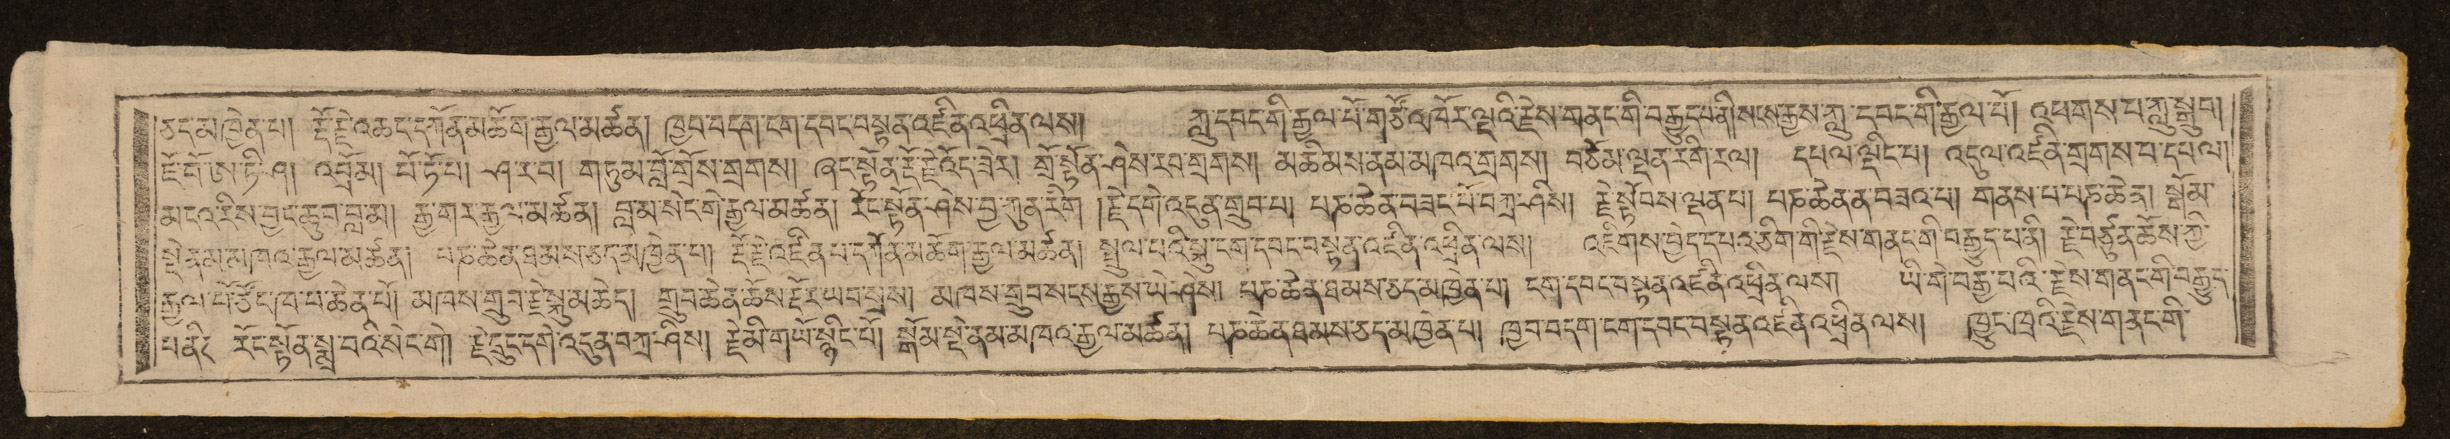ཅད་མཁྱེན་པ། རྡོ་རྗེ་འཆད་དཀོན་མཆོག་རྒྱལ་མཚན། ཁྱབ་བདག་ངག་དབང་བསྟན་འཛིན་འཕྲིན་ལས། ཀླུ་དབང་གི་རྒྱལ་པོ་གཙོ་འཁོར་ལྔའི་རྗེས་གནང་གི་བརྒྱུད་པ་ནི། སངས་རྒྱས་ཀླུ་དབང་གི་རྒྱལ་པོ། འཕགས་པ་ཀླུ་སྒྲུབ།
ཇོ་བོ་ཨ་ཏི་ཤ། འབྲོམ། པོ་ཏོ་པ། ཤ་ར་བ། གཏུམ་བློ་གྲོས་གྲགས། ཞང་སྟོན་རྡོ་རྗེ་འོད་ཟེར། གྲོ་སྟོན་ཤེས་རབ་གྲགས། མཆིམས་ནམ་མཁའ་གྲགས། བཅོམ་ལྡན་རིག་རལ། དཔལ་ལྡིང་པ། འདུལ་འཛིན་གྲགས་པ་དཔལ་
མངའ་རིས་བྱང་ཆུབ་བླ་མ། རྒྱ་གར་རྒྱལ་མཚན། བླ་མ་སེང་གེ་རྒྱལ་མཚན། རོང་སྟོན་ཤེས་བྱ་ཀུན་རིག །རྗེ་དགེ་འདུན་གྲུབ་པ། པཎ་ཆེན་བཟང་པོ་བཀྲ་ཤིས། རྗེ་སྟོབས་ལྡན་པ། པཎ་ཆེན་ན་བཟའ་པ། གནས་པ་པཎ་ཆེན། སྒོམ་
སྡེ་ནམ་མཁའ་རྒྱལ་མཚན། པཎ་ཆེན་ཐམས་ཅད་མཁྱེན་པ། རྡོ་རྗེ་འཛིན་པ་དཀོན་མཆོག་རྒྱལ་མཚན། སྤྲུལ་པའི་སྐུ་ངག་དབང་བསྟན་འཛིན་འཕྲིན་ལས། འཇིགས་བྱེད་དཔའ་ཅིག་གི་རྗེས་གནང་གི་བརྒྱུད་པ་ནི། རྗེ་བཙུན་ཆོས་ཀྱི་
རྒྱལ་པོ་ཙོང་ཁ་པ་ཆེན་པོ། མཁས་གྲུབ་རྗེ་སྐུ་མཆེད། གྲུབ་ཆེན་ཆོས་རྡོར་ཡབ་སྲས། མཁས་གྲུབ་སངས་རྒྱས་ཡེ་ཤེས། པཎ་ཆེན་ཐམས་ཅད་མཁྱེན་པ། ངག་དབང་བསྟན་འཛིན་འཕྲིན་ལས། ཡི་གེ་བརྒྱ་པའི་རྗེས་གནང་གི་བརྒྱུད་
པ་ནི༑ རོང་སྟོན་སྨྲ་བའི་སེང་གེ། རྗེ་དྲུང་དགེ་འདུན་བཀྲ་ཤིས། རྗེ་མི་གཡོ་སྙིང་པོ། སྒོམ་སྡེ་ནམ་མཁའ་རྒྱལ་མཚན། པཎ་ཆེན་ཐམས་ཅད་མཁྱེན་པ། ཁྱབ་བདག་ངག་དབང་བསྟན་འཛིན་འཕྲིན་ལས། ཁྱུང་ཁྲའི་རྗེས་གནང་གི་